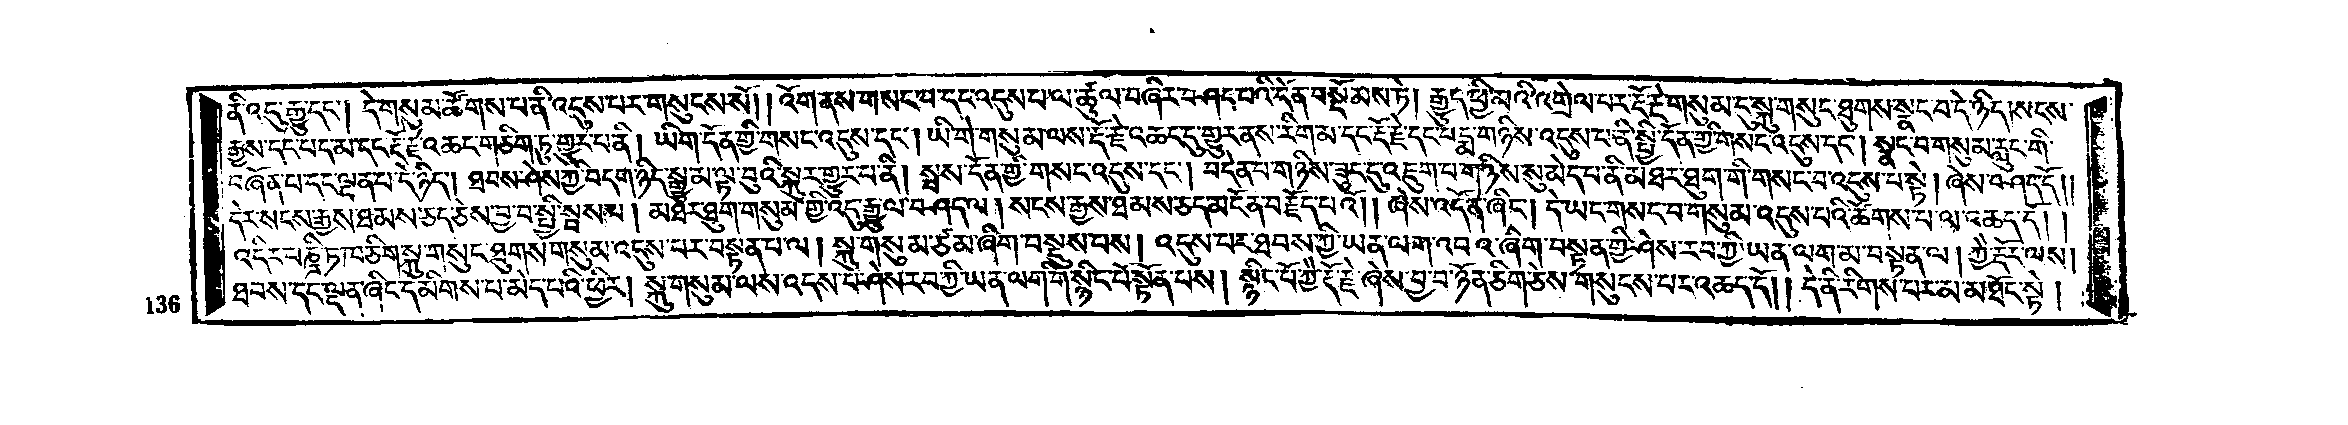ནི་འདུ་རྒྱུ་དང་། དེ་གསུམ་ཚོགས་པ་ནི་འདུས་པར་གསུངས་སོ། །འོག་ནས་གསང་བ་དང་འདུས་པ་ལ་ཚུལ་བཞིར་བཤད་པའི་དོན་བསྡོམས་ཏེ། རྒྱུད་ཕྱི་མའི་འགྲེལ་པར་རྡོ་རྗེ་གསུམ་དུ་སྐུ་གསུང་ཐུགས་སྣང་བ་དེ་ཉིད། སངས་
རྒྱས་དང་པད་མ་དང་རྡོ་རྗེ་འཆང་གཅིག་ཏུ་གྱུར་པ་ནི། ཡིག་དོན་གྱི་གསང་འདུས་དང་། ཡི་གེ་གསུམ་ལས་རྡོ་རྗེ་འཆང་དུ་གྱུར་ནས་རིག་མ་དང་རྡོ་རྗེ་དང་པདམ་གཉིས་འདུས་པ་ནི་སྤྱི་དོན་གྱི་གསང་འདུས་དང་། སྣང་བ་གསུམ་རླུང་གི་
བཞོན་པ་དང་ལྡན་པ་དེ་ཉིད། ཐབས་ཤེས་ཀྱི་བདག་ཉིད་སྒྱུ་མ་ལྟ་བུའི་སྐུར་གྱུར་པ་ནི། སྦས་དོན་གྱི་གསང་འདུས་དང་། བདེན་པ་གཉིས་ཟུང་དུ་འཇུག་པ་གཉིས་སུ་མེད་པ་ནི་མཐར་ཐུག་གི་གསང་བ་འདུས་པ་སྟེ། ཞེས་བཤད་དོ། །
དེར་སངས་རྒྱས་ཐམས་ཅད་ཅེས་བྱ་བ་སྤྱི་སྦས་པ། མཐར་ཐུག་གསུམ་གྱི་འདུ་རྒྱུ་ལ་བཤད་ལ། སངས་རྒྱས་ཐམས་ཅད་མངོན་བརྗོད་པའོ། །ཞེས་འདོན་ཞིང་། དེ་ཡང་གསང་བ་གསུམ་འདུས་པའི་ཚོགས་པ་ལ་འཆད་དོ། །
འདིར་པཎྜི་ཏ་ཁ་ཅིག་སྐུ་གསུང་ཐུགས་གསུམ་འདུས་པར་བསྟན་པ་ལ། སྐུ་གསུམ་ཙམ་ཞིག་བསྡུས་པས། འདུས་པར་ཐབས་ཀྱི་ཡན་ལག་འབའ་ཞིག་བསྟན་གྱི་ཤེས་རབ་ཀྱི་ཡན་ལག་མ་བསྟན་ལ། ཀྱཻ་རྡོར་ལས།
ཐབས་དང་ལྡན་ཞིང་དམིགས་པ་མེད་པའི་ཕྱིར། སྐུ་གསུམ་ལས་འདས་པ་ཤེས་རབ་ཀྱི་ཡན་ལག་གི་སྙིང་པོ་སྟོན་པས། སྙིང་པོ་ཀྱཻ་རྡོ་རྗེ་ཞེས་བྱ་བ་ཉོན་ཅིག་ཅེས་གསུངས་པར་འཆད་དོ། །དེ་ནི་རིགས་པར་མ་མཐོང་སྟེ།